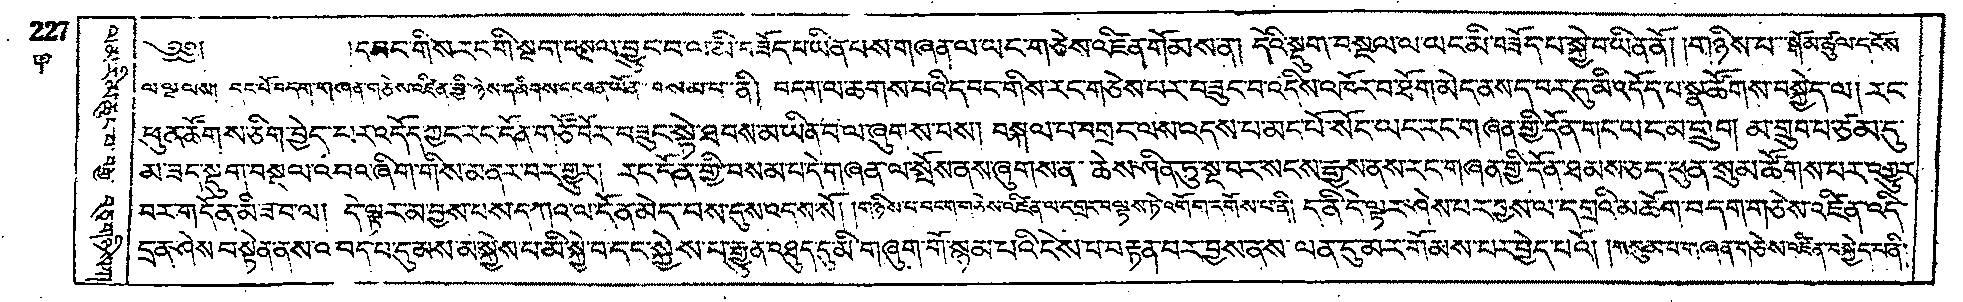༄༅། །དབང་གིས་རང་གི་སྡུག་བསྔལ་བྱུང་བ་ལ་མི་བཟོད་པ་ཡིན་པས་གཞན་ལ་ཡང་གཅེས་འཛིན་གོམས་ན། དེའི་སྡུག་བསྔལ་ལ་ཡང་མི་བཟོད་པ་སྐྱེ་བ་ཡིན་ནོ། །གཉིས་པ་སྒོམ་ཚུལ་དངོས་
ལ་ལྔ་ལས། དང་པོ་བདག་གཞན་གཅེས་འཛིན་གྱི་ཉེས་དམིགས་དང་ཕན་ཡོནྦྶམ་པ་ནི། བདག་ལ་ཆགས་པའི་དབང་གིས་རང་གཅེས་པར་བཟུང་བ་འདིས་འཁོར་བ་ཐོག་མེད་ནས་ད་བར་དུ་མི་འདོད་པ་སྣ་ཚོགས་བསྐྱེད་ལ། རང་
ཕུན་ཚོགས་ཅིག་བྱེད་པར་འདོད་ཀྱང་རང་དོན་གཙོ་བོར་བཟུང་སྟེ་ཐབས་མ་ཡིན་བ་ལ་ཞུགས་པས། བསྐལ་པ་བགྲང་ལས་འདས་པ་མང་པོ་སོང་ཡང་རང་གཞན་གྱི་དོན་གང་ཡང་མ་གྲུབ། མ་གྲུབ་པ་ཙམ་དུ་
མ་ཟད་སྡུག་བསྔལ་འབའ་ཞིག་གིས་མནར་བར་གྱུར། རང་དོན་གྱི་བསམ་པ་དེ་གཞན་ལ་སྤོས་ནས་ཞུགས་ནཆེས་ཤིན་ཏུ་སྔ་བར་སངས་རྒྱས་ནས་རང་གཞན་གྱི་དོན་ཐམས་ཅད་ཕུན་སུམ་ཚོགས་པར་འགྱུར་
བར་གདོན་མི་ཟ་བ་ལ། དེ་ལྟར་མ་བྱས་པས་དཀའ་ལ་དོན་མེད་བས་དུས་འདས་སོ། །གཉིས་པ་བདག་གཅེས་འཛིན་ལ་དགྲར་བལྟས་ཏེ་འགོག་དགོས་པ་ནི།  ད་ནི་དེ་ལྟར་ཤེས་པར་བྱས་ལ་དགྲའི་མཆོག་བདག་གཅེས་འཛིན་འདི་
དྲན་ཤེས་བསྟེན་ནས་འབད་པ་དུ་མས་མ་སྐྱེས་པ་མི་སྐྱེ་བ་དང་སྐྱེས་པ་རྒྱུན་འཐུད་དུ་མི་གཞུག་གོ་སྙམ་པའི་ངེས་པ་བརྟན་པར་བྱས་ནས་ལན་དུ་མར་གོམས་པར་བྱེད་པའོ། །གསུམ་པ་གཞན་གཅེས་འཛིན་བསྐྱེད་པ་ནི།